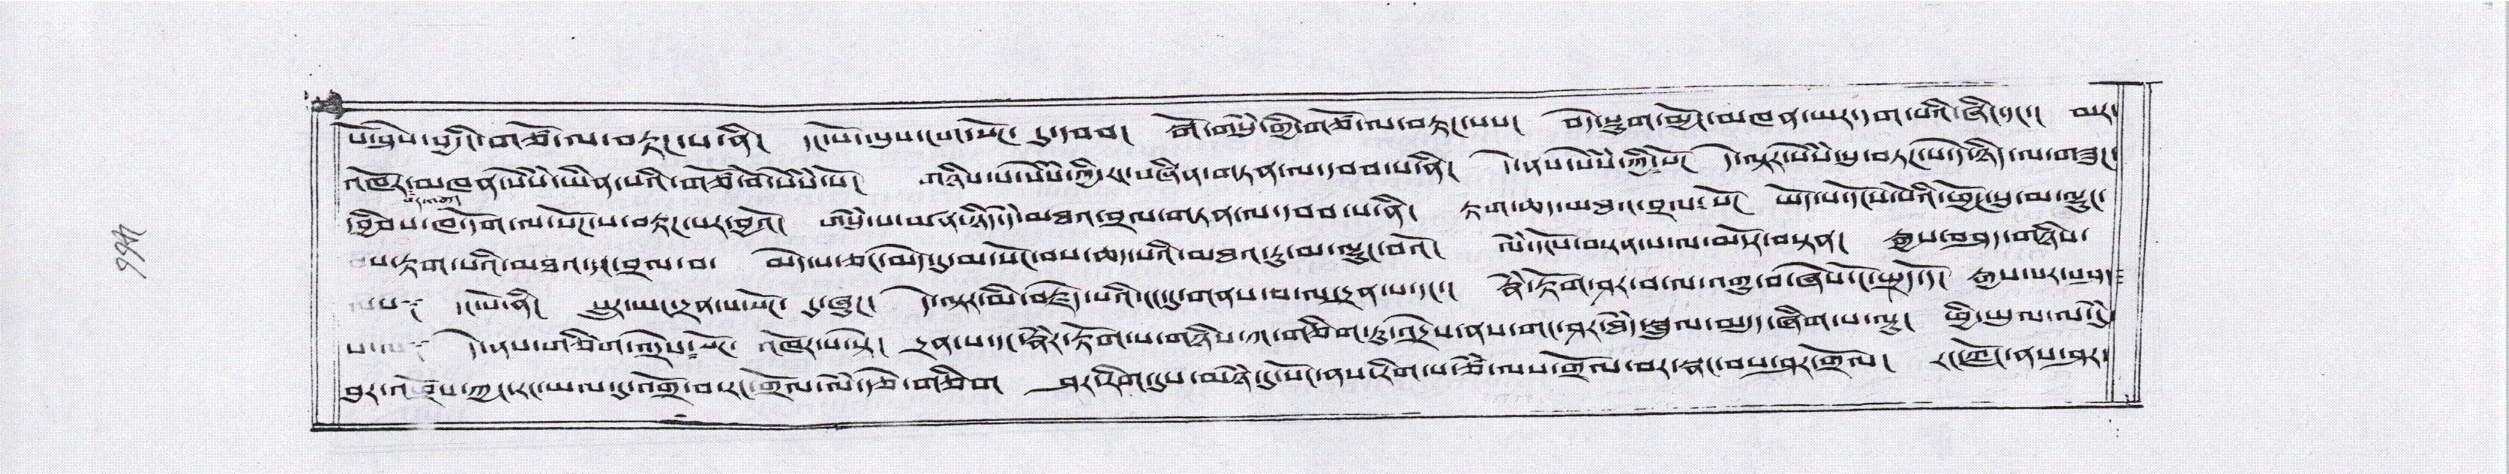པོ་ཤེས་བྱའི་གཙོ་ལ་བརྟགས་པ་ནི། དང་པོ་ལུས་ངག་སོགས་དུ་དབབ། སྒོ་གསུམ་གྱི་གཙོ་ལ་བརྟགས་པས། བདེ་སྡུག་མྱོང་མཁན་ཡར་དག་པའི་ཞིང་དང་། མར་
འཁོར་བར་འགྲོ་མཁན་སེམས་ཡིན་པའི་གཙོ་བོ་སེམས་སོ། གཉིས་པ་སེམས་ཀྱི་རང་བཞིན་གཏན་ལ་དབབ་པ་ནི། དེ་ནས་སེམས་ཀྱི་སོགས། དེ་ལྟར་སེམས་སུ་བཏགས་པ་དེ་ཉིད་ལ་གཟུགས་
དབྱིབས་ཁ་དོག་ལ་སོགས་པ་བརྟག་པར་བྱའོ། གསུམ་པ་མཚན་ཉིད་དམ་མཐའ་བྲལ་གཏན་ལ་དབབ་པ་ནི། རྟག་ཆད་མཐའ་བྲལ་སོགས། ཡོད་པ་དངོས་པོའི་ཕྱོགས་སུ་མ་ལྷུང་
བ་རྟག་པའི་མཐའ་དང་བྲལ་བ། མེད་པ་ཅང་མེད་དུ་མ་སོང་བས་ཆད་པའི་མཐའ་རུ་མ་ལྷུང་བའོ། ལམ་དངོས་བསྟན་པ་ལ་མདོར་བསྟན། རྒྱས་བཤད་གཉིས་
ལས། དང་པོ་ནི། སླར་ཡང་དྲན་པ་སོགས་དུ་ཞུགས། དེ་ལྟར་མི་བརྗེད་ལའི་ངང་དུ་གནས་པ་ལ་དྲན་པ་དང་། རྣམ་རྟོག་ཤར་བ་ལ་འགྱུ་བ་ཞེས་ངོ་སྤྲད་དོ། རྒྱས་པར་བཤད་
པ་ལ། དེ་ནས་གཅིག་འདྲེས་སོགས་འཁོར་བ་སྟེ། དྲན་པ་དང་རྣམ་པར་རྟོག་པ་གཉིས་ཀ་གཅིག་ཏུ་འདྲེས་ནས་གང་ཤར་ཐམས་ཅད་སྦྲུལ་མདུད་ཞིག་པ་ལྟ་བུ། ཕྱི་ཡུལ་ལ་དུམ་
བུར་འཁྲོས་ཀྱང་རང་ཡལ་དུ་འགྲོ་བ་རང་གྲོལ་ལམ་རྩེ་གཅིག ཤར་རིག་དུས་མཉམ་དུ་སོང་ནས་རིག་པ་ཙམ་ལས་གྲོལ་བར་སྣང་བས་ཤར་གྲོལ། རང་ཀློང་ནས་ཤར་